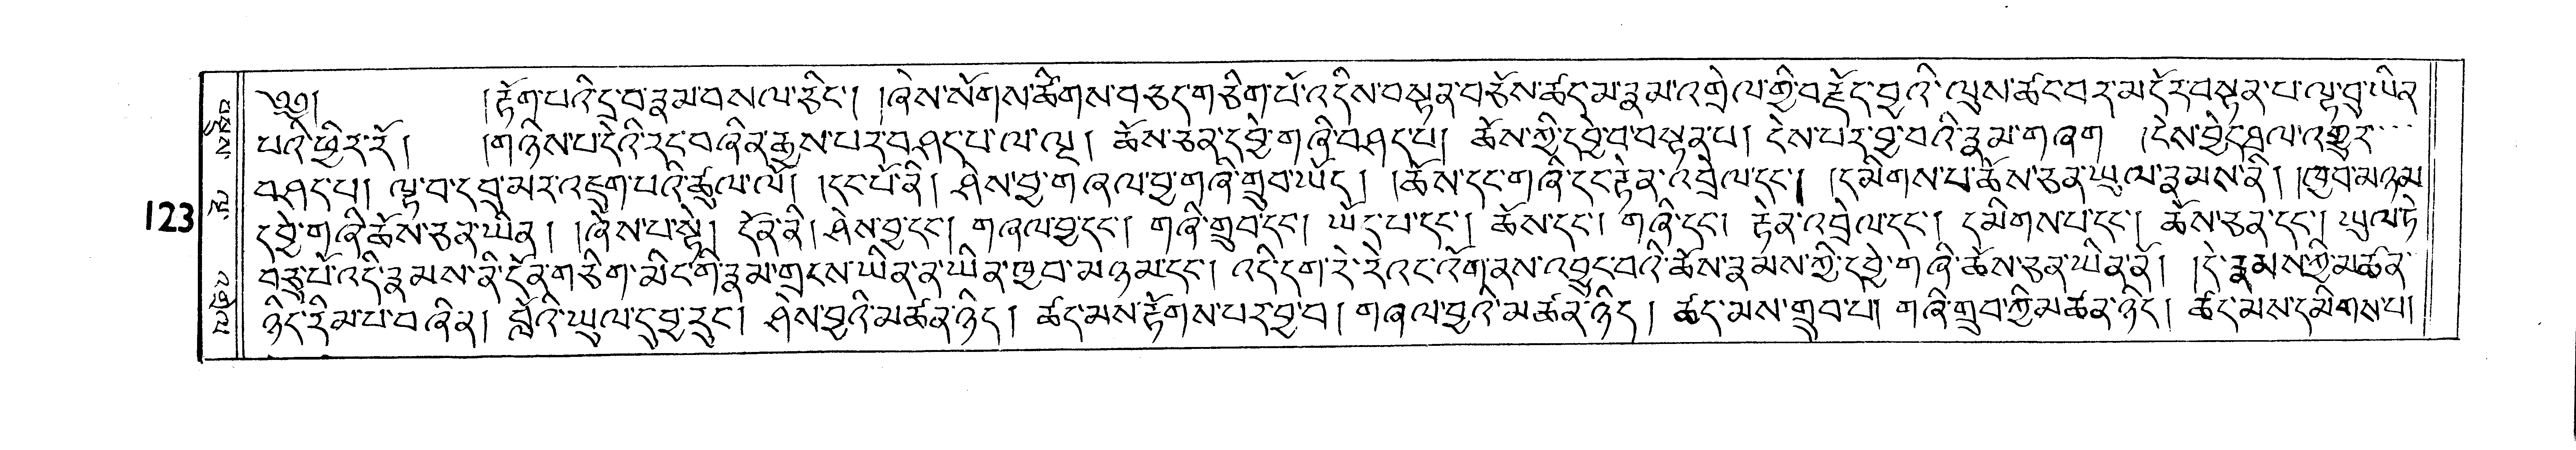༄༅། །རྟོག་པའི་དྲ་བ་རྣམ་བསལ་ཅིང་། །ཞེས་སོགས་ཚིགས་བཅད་གཅིག་པོ་འདིས་བསྟན་བཅོས་ཚད་མ་རྣམ་འགྲེལ་གྱི་བརྗོད་བྱའི་ལུས་ཚང་བར་མདོར་བསྟན་པ་ལྟ་བུ་ཡིན་
པའི་ཕྱིར་རོ། །གཉིས་པ་དེའི་རང་བཞིན་རྒྱས་པར་བཤད་པ་ལ་ལྔ། ཆོས་ཅན་དབྱེ་གཞི་བཤད་པ། ཆོས་ཀྱི་དབྱེ་བ་བསྟན་པ། ངེས་པར་བྱ་བའི་རྣམ་གཞག །ངེས་བྱེད་ཐལ་འགྱུར་
བཤད་པ། ལྟ་བ་དབུ་མར་འཇུག་པའི་ཚུལ་ལོ། །དང་པོ་ནི། ཤེས་བྱ་གཞལ་བྱ་གཞི་གྲུབ་ཡོད། །ཆོས་དང་གཞི་དང་རྟེན་འབྲེལ་དང་། །དམིགས་པ་ཆོས་ཅན་ཡུལ་རྣམས་ནི། །ཁྱབ་མཉམ་
དབྱེ་གཞི་ཆོས་ཅན་ཡིན། །ཞེས་པ་སྟེ། དོན་ནི། ཤེས་བྱ་དང་། གཞལ་བྱ་དང་། གཞི་གྲུབ་དང་། ཡོད་པ་དང་། ཆོས་དང་། གཞི་དང་། རྟེན་འབྲེལ་དང་། དམིགས་པ་དང་། ཆོས་ཅན་དང་། ཡུལ་ཏེ་
བཅུ་པོ་འདི་རྣམས་ནི་དོན་གཅིག་མིང་གི་རྣམ་གྲངས་ཡིན་ན་ཡིན་ཁྱབ་མཉམ་དང་། འདི་དག་རེ་རེའང་འོག་ནས་འབྱུང་བའི་ཆོས་རྣམས་ཀྱི་དབྱེ་གཞི་ཆོས་ཅན་ཡིན་ནོ། །དེ་རྣམས་ཀྱི་མཚན་
ཉིད་རིམ་པ་བཞིན། བློའི་ཡུལ་དུ་བྱ་རུང་། ཤེས་བྱའི་མཚན་ཉིད། ཚད་མས་རྟོགས་པར་བྱ་བ། གཞལ་བྱའི་མཚན་ཉིད། ཚད་མས་གྲུབ་པ། གཞི་གྲུབ་ཀྱི་མཚན་ཉིད། ཚད་མས་དམིགས་པ།